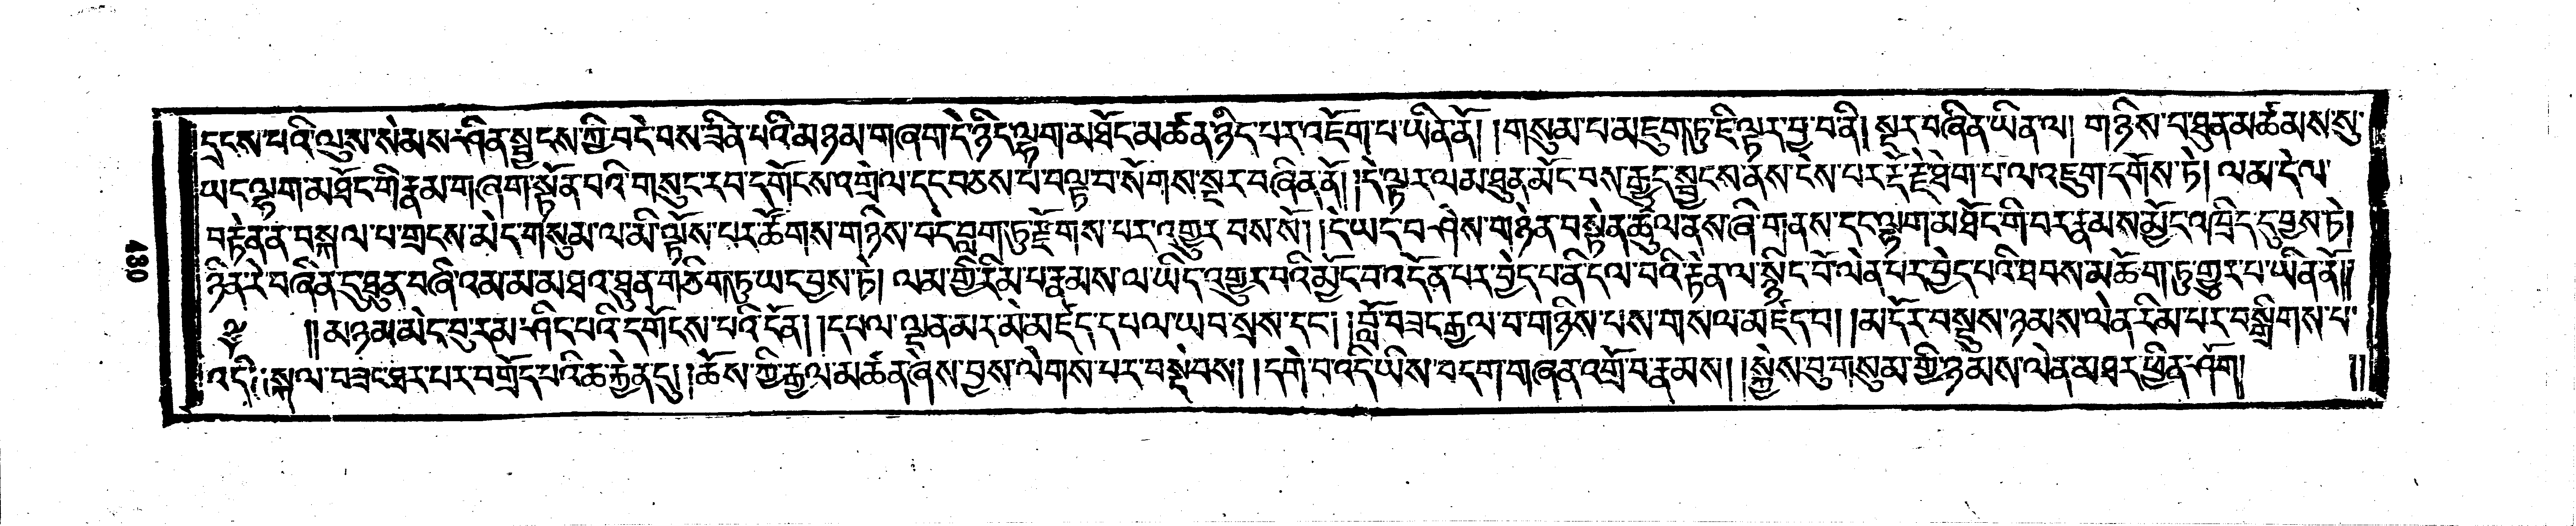དྲངས་པའི་ལུས་སེམས་ཤིན་སྦྱངས་ཀྱི་བདེ་བས་ཟིན་པའི་མཉམ་གཞག་དེ་ཉིད་ལྷག་མཐོང་མཚན་ཉིད་པར་འཇོག་པ་ཡིན་ནོ། །གསུམ་པ་མཇུག་ཏུ་ཇི་ལྟར་བྱ་བ་ནི། སྔར་བཞིན་ཡིན་ལ། གཉིས་པ་ཐུན་མཚམས་སུ་
ཡང་ལྷག་མཐོང་གི་རྣམ་གཞག་སྟོན་པའི་གསུང་རབ་དགོངས་འགྲེལ་དང་བཅས་པ་བལྟ་བ་སོགས་སྔར་བཞིན་ནོ། །དེ་ལྟར་ལམ་ཐུན་མོང་བས་རྒྱུད་སྦྱངས་ནས་ངེས་པར་རྡོ་རྗེ་ཐེག་པ་ལ་འཇུག་དགོས་ཏེ། ལམ་དེ་ལ་
བརྟེན་ན་བསྐལ་པ་གྲངས་མེད་གསུམ་ལ་མི་ལྟོས་པར་ཚོགས་གཉིས་བདེ་བླག་ཏུ་རྫོགས་པར་འགྱུར་བས་སོ། །དེ་ཡང་བཤེས་གཉེན་བསྟེན་ཚུལ་ནས་ཞི་གནས་དང་ལྷག་མཐོང་གི་བར་རྣམས་མྱོང་འཁྲིད་དུ་བྱས་ཏེ།
ཉིན་རེ་བཞིན་དུ་ཐུན་བཞིའམ་མ་མཐའ་ཐུན་གཅིག་ཏུ་ཡང་བྱས་ཏེ། ལམ་གྱི་རིམ་པ་རྣམས་ལ་ཡིད་འགྱུར་བའི་མྱོང་བ་འདོན་པར་བྱེད་པ་ནི་དལ་བའི་རྟེན་ལ་སྙིང་པོ་ལེན་པར་བྱེད་པའི་ཐབས་མཆོག་ཏུ་གྱུར་པ་ཡིན་ནོ། །
༈ །།མཉམ་མེད་བུ་རབ་ཤིང་པའི་དགོངས་པའི་དོན། །དཔལ་ལྡན་མར་མེ་མཛད་དཔལ་ཡབ་སྲས་དང་། །བློ་བཟང་རྒྱལ་བ་གཉིས་པས་གསལ་མཛད་པ། །མདོར་བསྡུས་ཉམས་ལེན་རིམ་པར་བསྒྲིགས་པ་
འདི། །སྐལ་བཟང་ཐར་པར་བགྲོད་པའི་ཆ་རྐྱེན་དུ། །ཆོས་ཀྱི་རྒྱལ་མཚན་ཞེས་བྱས་ལེགས་པར་བསྡེབས། །དགེ་བ་འདི་ཡིས་བདག་གཞན་འགྲོ་བ་རྣམས། །སྐྱེས་བུ་གསུམ་གྱི་ཉམས་ལེན་མཐར་ཕྱིན་ཤོག། །།